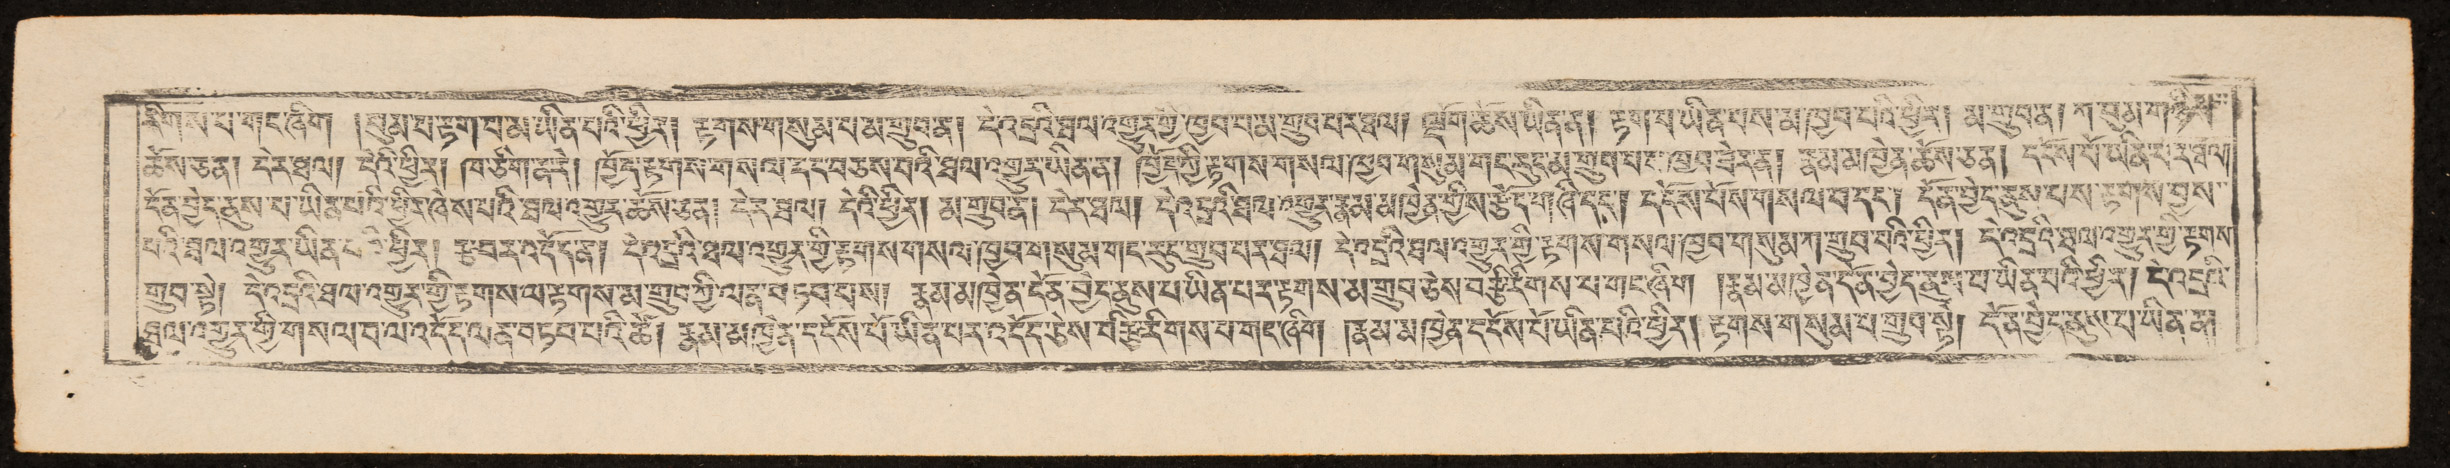རིགས་པ་གང་ཞིག །བུམ་པ་རྟག་པ་མ་ཡིན་པའི་ཕྱིར། རྟགས་གསུམ་པ་མ་གྲུབ་ན། དེ་འདྲའི་ཐལ་འགྱུར་གྱི་ཁྱབ་པ་མ་གྲུབ་པར་ཐལ། ལྡོག་ཆོས་ཡིན་ན། རྟག་པ་ཡིན་པས་མ་ཁྱབ་པའི་ཕྱིར། མ་གྲུབ་ན། ཀ་བུམ་གཉིས་
ཆོས་ཅན། དེར་ཐལ། དེའི་ཕྱིར། ཁ་ཅིག་ན་རེ། ཁྱོད་རྟགས་གསལ་དང་བཅས་པའི་ཐལ་འགྱུར་ཡིན་ན། ཁྱོད་ཀྱི་རྟགས་གསལ་ཁྱབ་གསུམ་གང་རུང་མ་གྲུབ་པས་ཁྱབ་ཟེར་ན། རྣམ་མཁྱེན་ཆོས་ཅན། དངོས་པོ་ཡིན་པར་ཐལ།
དོན་བྱེད་ནུས་པ་ཡིན་པའི་ཕྱིར་ཞེས་པའི་ཐལ་འགྱུར་ཆོས་ཅན། དེར་ཐལ། དེའི་ཕྱིར། མ་གྲུབ་ན། དེར་ཐལ། དེ་འདྲའི་ཐལ་འགྱུར་རྣམ་མཁྱེན་གྱིས་རྩོད་གཞི་དང་། དངོས་པོས་གསལ་བ་དང་། དོན་བྱེད་ནུས་པས་རྟགས་བྱས་
པའི་ཐལ་འགྱུར་ཡིན་པའི་ཕྱིར། རྩ་བར་འདོད་ན། དེ་འདྲའི་ཐལ་འགྱུར་གྱི་རྟགས་གསལ་ཁྱབ་གསུམ་གང་རུང་གྲུབ་པར་ཐལ། དེ་འདྲའི་ཐལ་འགྱུར་གྱི་རྟགས་གསལ་ཁྱབ་གསུམ་ཀ་གྲུབ་པའི་ཕྱིར། དེ་འདྲའི་ཐལ་འགྱུར་གྱི་རྟགས་
གྲུབ་སྟེ། དེ་འདྲའི་ཐལ་འགྱུར་གྱི་རྟགས་ལ་རྟགས་མ་གྲུབ་ཀྱི་ལན་བཏབ་པས། རྣམ་མཁྱེན་དོན་བྱེད་ནུས་པ་ཡིན་པར་རྟགས་མ་གྲུབ་ཅེས་བརྩི་རིགས་པ་གང་ཞིག །རྣམ་མཁྱེན་དོན་བྱེད་ནུས་པ་ཡིན་པའི་ཕྱིར། དེ་འདྲའི་
ཐལ་འགྱུར་གྱི་གསལ་བ་ལ་འདོད་ལན་བཏབ་པའི་ཚེ། རྣམ་མཁྱེན་དངོས་པོ་ཡིན་པར་འདོད་ཅེས་བརྩི་རིགས་པ་གང་ཞིག །རྣམ་མཁྱེན་དངོས་པོ་ཡིན་པའི་ཕྱིར། རྟགས་གསུམ་པ་གྲུབ་སྟེ། དོན་བྱེད་ནུས་པ་ཡིན་ན།